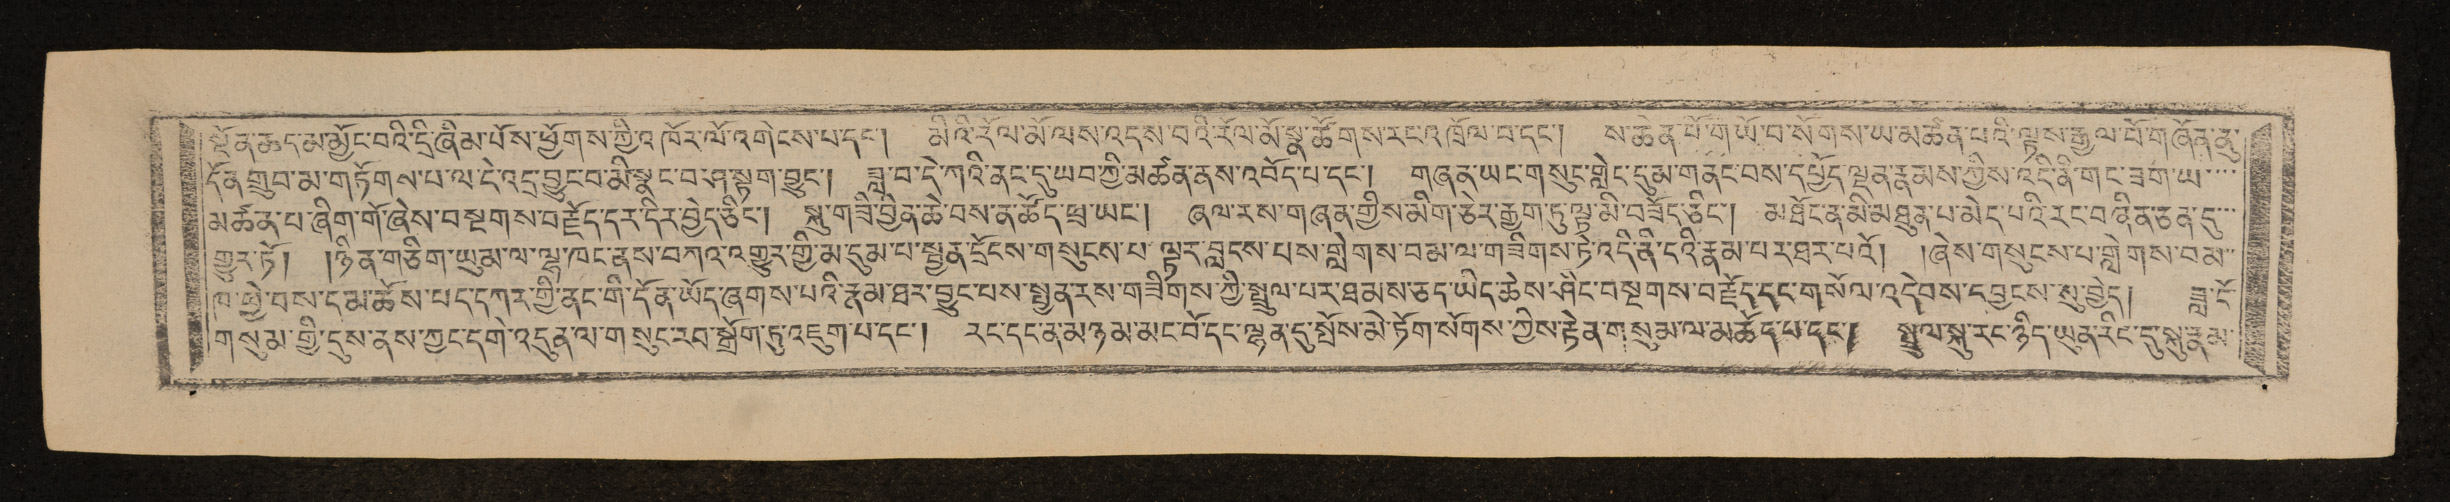སྔོན་ཆད་མ་མྱོང་བའི་དྲི་ཞིམ་པོས་ཕྱོགས་ཀྱི་འཁོར་ལོ་འགེངས་པ་དང་། མིའི་རོལ་མོ་ལས་འདས་བའི་རོལ་མོ་སྣ་ཚོགས་རང་འཁྲོལ་བ་དང་། ས་ཆེན་པོ་གཡོ་བ་སོགས་ཡ་མཚན་པའི་ལྟས་རྒྱལ་པོ་གཞོན་ནུ་
དོན་གྲུབ་མ་གཏོགས་པ་ལ་དེ་འདྲ་བྱུང་བ་མི་སྣང་བ་ཤ་སྟག་བྱུང་། ཟླ་བ་དེ་ཀའི་ནང་དུ་ཡབ་ཀྱི་མཚན་ནས་འབོད་པ་དང་། གཞན་ཡང་གསུང་གླེང་དུ་མ་གནང་བས་དཔྱོད་ལྡན་རྣམས་ཀྱིས་འདི་ནི་གང་ཟག་ཡ་
མཚན་པ་ཞིག་གོ་ཞེས་བསྔགས་བརྗོད་དར་དིར་བྱེད་ཅིང་། སྐུ་གཟི་བྱིན་ཆེ་བས་ན་ཚོད་ཕྲ་ཡང་། ཞལ་རས་གཞན་གྱིས་མིག་ཅེར་རྒྱག་ཏུ་ལྟ་མི་བཟོད་ཅིང་། མཐོང་ན་མི་མཐུན་པ་མེད་པའི་རང་བཞིན་ཅན་དུ་
གྱུར་ཏོ། །ཉིན་གཅིག་ཡུམ་ལ་ལྷ་ཁང་ནས་བཀའ་འགྱུར་གྱི་མ་དུམ་པ་སྤྱན་དྲོངས་གསུངས་པ་ལྟར་བླངས་པས་གླེགས་བམ་ལ་གཟིགས་ཏེ་འདི་ནི་ངའི་རྣམ་པར་ཐར་པའོ། །ཞེས་གསུངས་པ་གླེགས་བམ་
ཁ་ཕྱེ་བས་དམ་ཆོས་པད་དཀར་གྱི་ནང་གི་དོན་ཡོད་ཞགས་པའི་རྣམ་ཐར་བྱུང་བས་སྤྱན་རས་གཟིགས་ཀྱི་སྤྲུལ་པར་ཐམས་ཅད་ཡིད་ཆེས་ཤིང་བསྔགས་བརྗོད་དང་གསོལ་འདེབས་དབྱངས་སུ་བྱེད། ཟླ་ངོ་
གསུམ་གྱི་དུས་ནས་ཀྱང་དགེ་འདུན་ལ་གསུང་རབ་སྒྲོག་ཏུ་འཇུག་པ་དང་། རང་དང་ན་མཉམ་མང་པོ་དང་ལྷན་དུ་སྤོས་མེ་ཏོག་སོགས་ཀྱིས་རྟེན་གསུམ་ལ་མཆོད་པ་དང་། སྤྲུལ་སྐུ་རང་ཉིད་ཡུན་རིང་དུ་སྐུ་རྣམ་